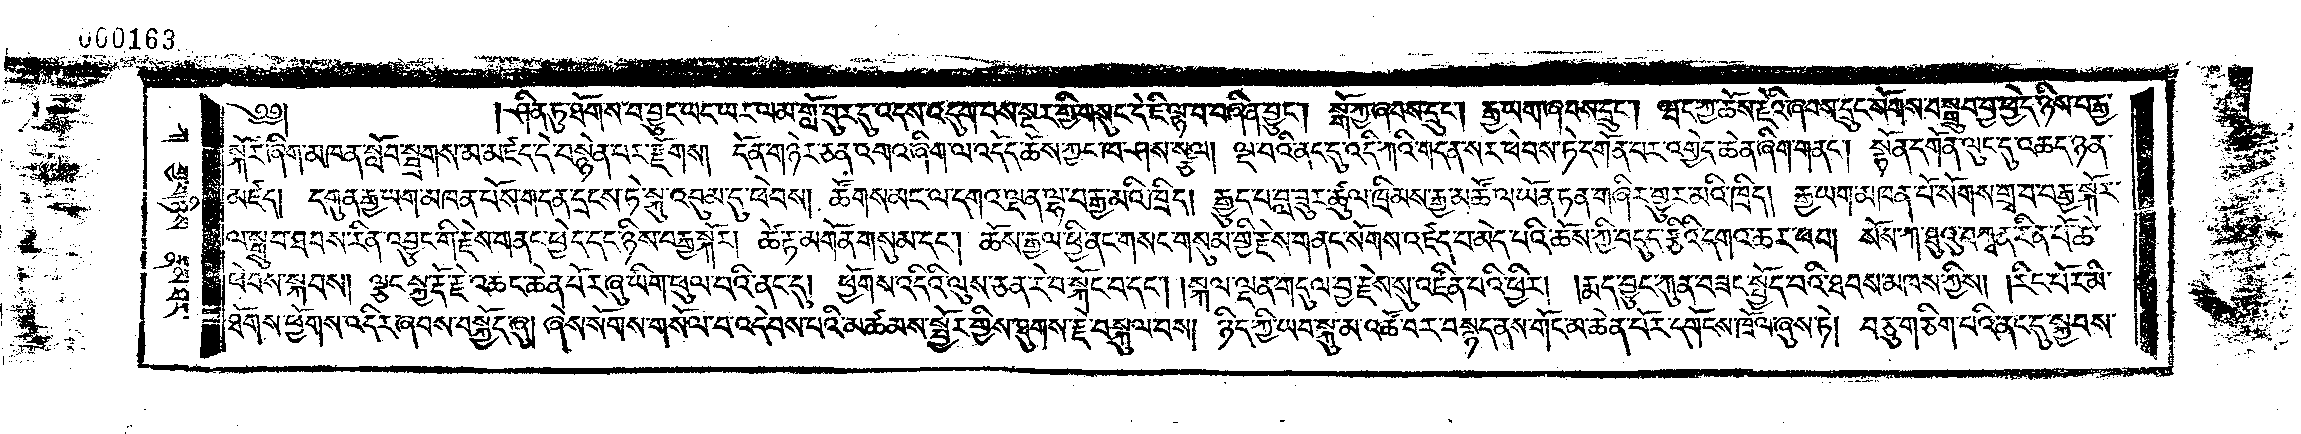༄༅། །ཤིན་ཏུ་ཐོགས་བ་བྱུང་ཡང་ཡར་ལམ་གློ་བུར་དུ་འདས་འདུག་བས་སྔར་གྱི་གསུང་དེ་ཇི་ལྷ་བ་བཞིན་བྱུང་། སྒོ་ཀྱ་ཞབས་དྲུང་། རྒྱ་ཡག་ཞབས་དྲུང་། ཝང་ཀྱ་ཆོས་རྗེའི་ཞབས་དྲུང་སོགས་བསྒྲུབ་བྱ་ཕྱེད་ཉིས་བརྒྱ་
སྐོར་ཞིག་མཁན་སློབ་སྦྲགས་མ་མཛད་དེ་བསྙེན་པར་རྫོགས། དོན་གཉེར་ཅན་འགའ་ཞིག་ལ་འདོད་ཆོས་ཀྱང་ཁ་ཤས་སྩལ། ལྔ་བའི་ནང་དུ་འདི་ཀའི་གདན་སར་ཕེབས་ཏེ་དགོན་པར་འགྱེད་ཆེན་ཞིག་གནང་། སྟོན་དགོན་ལུང་དུ་འཆད་ཉན་
མཛད། དགུན་རྒྱ་ཡག་མཁན་པོས་གདན་དྲངས་ཧེ་སྐུ་འབུམ་དུ་ཕེབས། ཚོགས་མང་ལ་དགའ་ལྡན་ལྷ་བརྒྱ་མའི་ཁྲིད། རྒྱུད་པ་བླ་ཟུར་ཚུལ་ཁྲིམས་རྒྱ་མཚོ་ལ་ཡོན་ཏན་གཞིར་གྱུར་མའི་ཁྲིད། རྒྱ་ཡག་མཁན་པོ་སོགས་གྲྭབ་བརྒྱ་སྐོར་
ལ་སྒྲུབ་ཐབས་རིན་འབྱུང་གི་རྗེས་གནང་ཕྱེད་དང་ཉིས་བརྒྱ་སྐོར། ཚེ་རྟ་མགོན་གསུམ་དང་། ཆོས་རྒྱལ་ཕྱི་ནང་གསང་གསུམ་གྱི་རྗེས་གནང་སོགས་འཛད་པ་མེད་པའི་ཆོས་ཀྱི་བདུད་རྩིའི་དགའ་ཆར་ཕབ། སོས་ཀ་ཐུའི་བཀྭན་རིན་པོ་ཆེ་
ཕེབས་སྐབས། ལྕང་སྐྱ་རྡོ་རྗེ་འཆང་ཆེན་པོར་ཞུ་ཡིག་ཕུལ་བའི་ནང་དུ། ཕྱོགས་འདིའི་ལུས་ཅན་རེ་བ་སྐོང་བ་དང་། །སྐལ་ལྡན་གདུལ་བྱ་རྗེས་སུ་འཛིན་པའི་ཕྱིར། །རྨད་བྱུང་ཀུན་བཟང་སྤྱོད་པའི་ཐབས་མཁས་ཀྱིས། །རིང་པོར་མི་
ཐོགས་ཕྱོགས་འདིར་ཞབས་བསྐྱོད་ཞུ། ཞེས་སོགས་གསོལ་བ་འདེབས་པའི་མཚམས་སྤྱོར་གྱིས་ཐུགས་རྗེ་བསྐུལ་བས། ཉིད་ཀྱི་ཡབ་སྐུ་མ་འཚོ་བར་བསྙད་ནས་གོང་མ་ཆེན་པོར་དགོངས་ཁྲོལ་ཞུས་ཏེ། བཅུ་གཅིག་པའི་ནང་དུ་སྐྱབས་